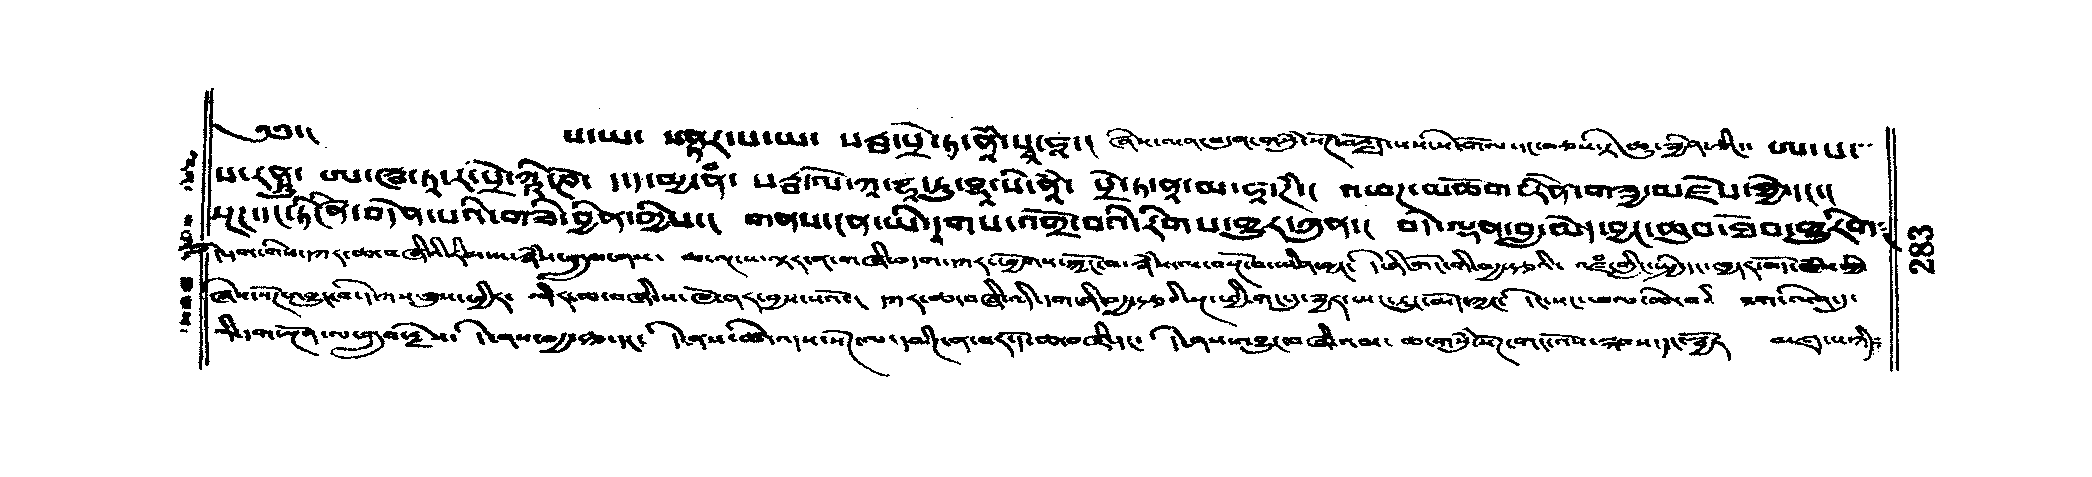ས་ཡ། སནྟ་ར་ས་ཡ། སརྦ་པྲེ་ཏ་ནཱཾ་སྭཱ་ཧཱ། ཞེས་ལན་བདུན་གསུམ་སོགས་བརྗོད་པས་སེ་གོལ་དང་བཅས་ཏེ་ཆུ་སྦྱིན་ཤིང་། ཨ་པ་
ས་རནྟུ། ཨ་ཝ་ཏཱ་ར་པྲེ་ཀརི་ཎེ། ད་ད་མྱ་ནཾ། སརྦ་ལོ་ཀཱ་དྷཱ་ཏུ་བྷཱ་སི་ནཱཾ། པྲེ་ཏ་ནཱ་མ་ཧཱ་ཊཾ། འཕགས་མཆོག་རིན་ཆེན་གཟུགས་མཛེས་ཐུགས་རྗེ་དང་། 
སྔགས་དང་ཏིང་འཛིན་བདེན་པའི་གཟི་བྱིན་གྱིས། །གནས་ངན་ཡི་དྭགས་འགྲོ་བའི་རིགས་གྱུར་ཀུན། །བདེ་ལྡན་བླ་མེད་བྱང་ཆུབ་ཐོབ་གྱུར་ཅིག་
དེ་དག་གི་དཀར་ཆ་བཞིའི་རིམ་པ་བཞིའི་གྲུབ་ནས། ཆ་ལྔ་པ་ལྟར་ན་གཞི་བདག་དཀར་ཕྱོགས་སྐྱོང་བ་རྣམས་ལ་བསྔོ་བ་ཡིན་ཀྱང་། དེ་ནི་གོང་གི་བརྒྱ་རྩའི་འཛམ་གླིང་སྤྱི་དང་ཁྱད་པར་བོད་ཁམས་ཀྱི་
ཞེས་སོགས་འབྱུང་བ་དེ་ཀས་ཐུས་ཕྱིར། འདིར་ཆ་བཞི་པ་ཁོ་ནར་བྱས་པའོ། དཀར་ཆ་བཞི་འདི་དག་ནི་བརྒྱ་རྩའི་སྔ་ཕྱི་གང་དུ་སྦྱར་ཡང་རུང་མོད་ཀྱང་། དེང་སང་ཕལ་ཆེ་བའི་སྟག་ལེན་དུ་
འདི་དག་སྔོན་ལ་གྲུབ་རྗེས། དེ་ནས་ཚེ་འདས་སོགས་ལ་དམིགས་ན་བར་དོ་ཆབཞི་དང་། དེ་ནས་འབྱུང་བཞིའམ་གསུམ་སོགས་གང་འོས་སྐབས་དང་སྦྱོར། མཛད་པ་ཉིད་